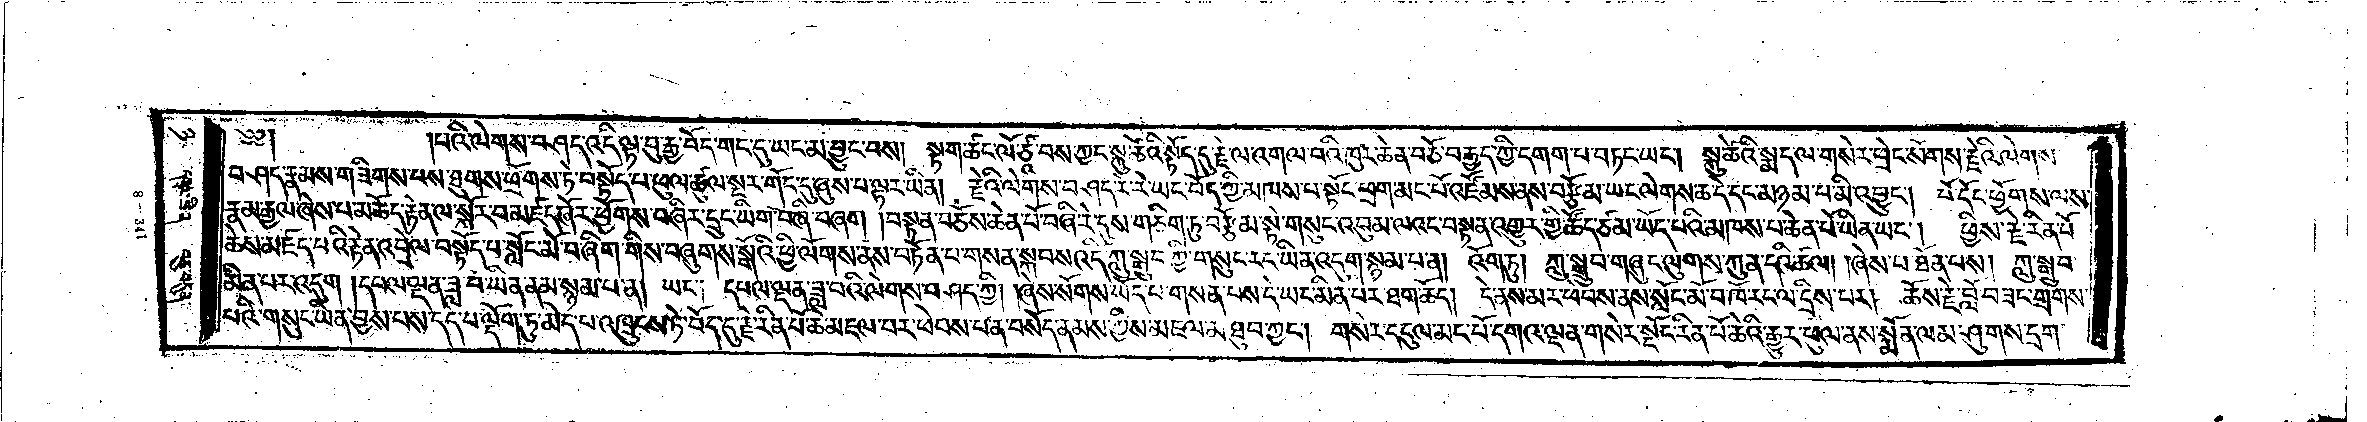༄༅། །པའི་ལེགས་བཤད་འདི་ལྟ་བུ་རྒྱ་བོད་གང་དུ་ཡང་མ་བྱུང་བས། སྟག་ཚང་ལོ་ཙཱ་བས་ཀྱང་སྐུ་ཚེའི་སྟོད་དུ་རྗེ་ལ་འགལ་བའི་ཁུར་ཆེན་བཅོ་བརྒྱད་ཀྱི་དགག་པ་བཏང་ཡང་། སྐུ་ཚེའི་སྨད་ལ་གསེར་ཕྲེང་སོགས་རྗེའི་ལེགས་
བཤད་རྣམས་གཟིགས་པས་ཐུགས་ཕྲོགས་ཏེ་བསྟོད་པ་ཕུལ་ཚུལ་སྔར་གོང་དུ་ཞུས་པ་ལྟར་ཡིན། རྗེའི་ལེགས་བཤད་རེ་རེ་ཡང་བོད་ཀྱི་མཁས་པ་སྟོང་ཕྲག་མང་པོ་འཛོམས་ནས་བརྩོམ་ཡང་ལེགས་ཆ་དེ་དང་མཉམ་པ་མི་འབྱུང་། བོ་དོང་ཕྱོགས་ལས་
རྣམ་རྒྱལ་ཞེས་པ་མཆོད་རྟེན་ལ་སྐོར་བ་མཛད་ཞོར་ཕྱོགས་བཞིར་དྲུང་ཡིག་བཞི་བཞག །བསྟན་བཅོས་ཆེན་པོ་བཞི་རེ་དུས་གཅིག་ཏུ་བརྩོམ་སྟེ་གསུང་འབུམ་ལའང་བསྟན་འགྱུར་གྱི་ཚོད་ཙམ་ཡོད་པའི་མཁས་པ་ཆེན་པོ་ཡིན་ཡང་། ༈ ཕྱིས་རྗེ་རིན་པོ་
ཆེས་མཛད་པའི་རྟེན་འབྲེལ་བསྟོད་པ་སློང་མོ་བ་ཞིག་གིས་བཞུགས་སྒོའི་ཕྱི་ལོགས་ནས་བཏོན་པ་གསན་སྐབས་འདི་ཀླུ་སྒྲུབ་ཀྱི་གསུང་རང་ཡིན་འདུག་སྙམ་པ་ན། འོག་ཏུ། ཀླུ་སྒྲུབ་གཞུང་ལུགས་ཀུན་དའི་ཚལ། །ཞེས་པ་ཐོན་པས། ཀླུ་སྒྲུབ་
མིན་པར་འདུག །དཔལ་ལྡན་ཟླ་བ་ཡིན་ནམ་སྙམ་པ་ན། ཡང་། དཔལ་ལྡན་ཟླ་བའི་ལེགས་བཤད་ཀྱི། །ཞེས་སོགས་ཡོད་པ་གསན་པས་དེ་ཡང་མིན་པར་ཐག་ཆོད། དེ་ནས་མར་ཕེབས་ནས་སློང་མོ་བ་ཁོ་རང་ལ་དྲིས་པར། ཆོས་རྗེ་བློ་བཟང་གྲགས་
པའི་གསུང་ཡིན་བྱས་པས་དད་པ་ལྡོག་ཏུ་མེད་པ་འཁྲུངས་ཏེ་བོད་དུ་རྗེ་རིན་པོ་ཆེ་མཇལ་བར་ཕེབས་པ་ན་བསོད་ནམས་ཀྱིས་མཇལ་མ་ཐུབ་ཀྱང་། གསེར་དངུལ་མང་པོ་དགའ་ལྡན་གསེར་སྡོང་རིན་པོ་ཆེའི་རྒྱུར་ཕུལ་ནས་སྨོན་ལམ་ཤུགས་དྲག་